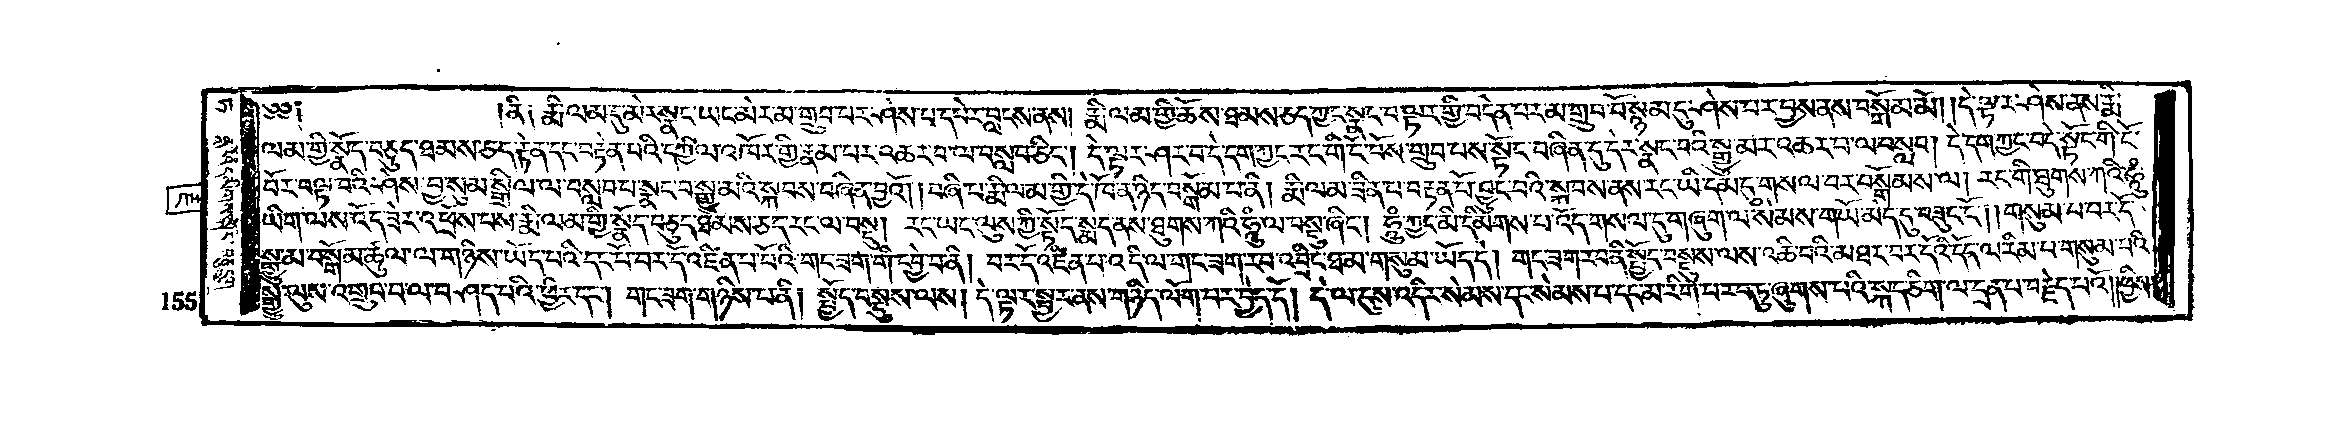༄༅། །ནི། རྨི་ལམ་དུ་མེར་སྣང་ཡང་མེར་མ་གྲུབ་པར་ཤེས་པ་དཔེར་བླངས་ནས། རྨི་ལམ་གྱི་ཆོས་ཐམས་ཅད་ཀྱང་སྣང་བ་ལྟར་གྱི་བདེན་པར་མ་གྲུབ་བོ་སྙམ་དུ་ཤེས་པར་བྱས་ནས་བསྒོམ་མོ། །དེ་ལྟར་ཤེས་ནས་རྨི་
ལམ་གྱི་སྣོད་བཅུད་ཐམས་ཅད་རྟེན་དང་བརྟེན་པའི་དཀྱིལ་འཁོར་གྱི་རྣམ་པར་འཆར་བ་ལ་བསླབ་ཅིང་། དེ་ལྟར་ཤར་བ་དེ་དག་ཀྱང་རང་གི་ངོ་བོས་གྲུབ་པས་སྟོང་བཞིན་དུ་དེར་སྣང་བའི་སྒྱུ་མར་འཆར་བ་ལ་བསླབ། དེ་དག་ཀྱང་བདེ་སྟོང་གི་ངོ་
བོར་བལྟ་བའི་ཤེས་བྱ་སུམ་སྒྲིལ་ལ་བསླབ་པ་སྣང་བ་སྒྱུ་མའི་སྐབས་བཞིན་བྱའོ། །བཞི་པ་རྨི་ལམ་གྱི་དེ་ཁོ་ན་ཉིད་བསྒོམ་པ་ནི། རྨི་ལམ་ཟིན་པ་བརྟན་པོ་བྱུང་བའི་སྐབས་ནས་རང་ཡི་དམ་དུ་གསལ་བར་བསྒོམས་ལ། རང་གི་ཐུགས་ཀའི་ཧཱུཾ་
ཡིག་ལས་འོད་ཟེར་འཕྲོས་པས་རྨི་ལམ་གྱི་སྣོད་བཅུད་ཐམས་ཅད་རང་ལ་བསྡུ། རང་ཡང་ལུས་ཀྱི་སྟོད་སྨད་ནས་ཐུགས་ཀའི་ཧཱུཾ་ལ་བསྡུ་ཞིང་། ཧཱུཾ་ཀྱང་མི་དམིགས་པ་འོད་གསལ་དུ་གཞུག་ལ་སེམས་གཡོ་མེད་དུ་བཟུང་ངོ། །གསུམ་པ་བར་དོ་
སྒྱུ་མ་བསྒོམ་ཚུལ་ལ་གཉིས་ཡོད་པའི་དང་པོ་བར་དོ་འཛིན་པ་པོའི་གང་ཟག་གི་དབྱེ་བ་ནི། བར་དོ་འཛིན་པ་འདི་ལ་གང་ཟག་རབ་འབྲིང་ཐ་མ་གསུམ་ཡོད་དེ། གང་ཟག་རབ་ནི་སྤྱོད་བསྡུས་ལས་འཆི་བའི་མཐར་བར་དོའི་དོད་ལ་རིམ་པ་གསུམ་པའི་
སྒྱུ་ལུས་འགྲུབ་པ་ལ་བཤད་པའི་ཕྱིར་དང་། གང་ཟག་གཉིས་པ་ནི། སྤྱོད་བསྡུས་ལས། དེ་ལྟར་སྦྱར་ནས་གཉིད་ལོག་པར་བྱེད་དོ། དེ་ལ་དུས་འདིར་སེམས་དང་སེམས་པ་དང་མ་རིག་པ་རབ་ཏུ་ཞུགས་པའི་སྐད་ཅིག་ལ་དྲན་པ་བརྗེད་པའོ། །ཕྱིས་